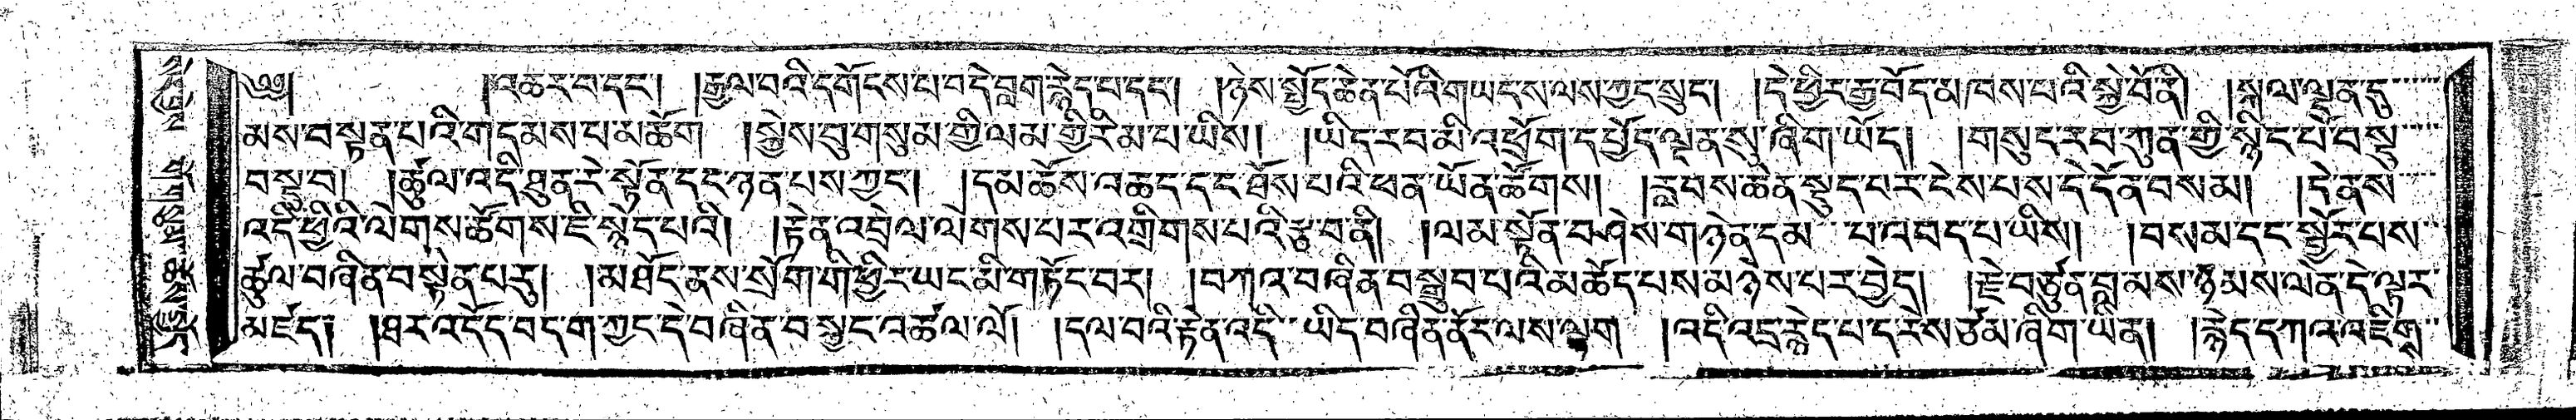༄༅། །འཆར་བ་དང་། །རྒྱལ་བའི་དགོངས་པ་བདེ་བླག་རྙེད་པ་དང་། །ཉེས་སྤྱོད་ཆེན་པོའི་གཡང་ས་ལས་ཀྱང་སྲུང་། །དེ་ཕྱིར་རྒྱ་བོད་མཁས་པའི་སྐྱེ་བོ་ནི། །སྐལ་ལྡན་དུ་
མས་བསྟན་པའི་གདམས་པ་མཆོག །སྐྱེས་བུ་གསུམ་གྱི་ལམ་གྱི་རིམ་པ་ཡིས། །ཡིད་རབ་མི་འཕྲོག་དཔྱོད་ལྡན་སུ་ཞིག་ཡོད། །གསུང་རབ་ཀུན་གྱི་སྙིང་པོ་བསྡུ་
བསྡུ་བ། །ཚུལ་འདི་ཐུན་རེ་སྟོན་དང་ཉན་པས་ཀྱང་། །དམ་ཆོས་འཆད་དང་ཐོས་པའི་ཕན་ཡོན་ཚོགས། །རླབས་ཆེན་སྡུད་པར་ངེས་པས་དེ་དོན་བསམ། །དེ་ནས་
འདི་ཕྱིའི་ལེགས་ཚོགས་ཇི་སྙེད་པའི། །རྟེན་འབྲེལ་ལེགས་པར་འགྲིགས་པའི་རྩ་བ་ནི། །ལམ་སྟོན་བཤེས་གཉེན་དམ་པ་འབད་པ་ཡིས། །བསམ་དང་སྦྱོར་པས་
ཚུལ་བཞིན་བསྟེན་པ་རུ། །མཐོང་ནས་སྲོག་གི་ཕྱིར་ཡང་མི་གཏོང་བར། །བཀའ་བཞིན་བསྒྲུབ་པའི་མཆོད་པས་མཉེས་པར་བྱེད། །རྗེ་བཙུན་བླ་མས་ཉམས་ལེན་དེ་ལྟར་
མཛད༑ །ཐར་འདོད་བདག་ཀྱང་དེ་བཞིན་བསྐྱང་འཚལ་ལོ། །དལ་བའི་རྟེན་འདི་ཡིད་བཞིན་ནོར་ལས་ལྷག །འདི་འདྲ་རྙེད་པ་ད་རེས་ཙམ་ཞིག་ཡིན། །རྙེད་དཀའ་འཇིགས་